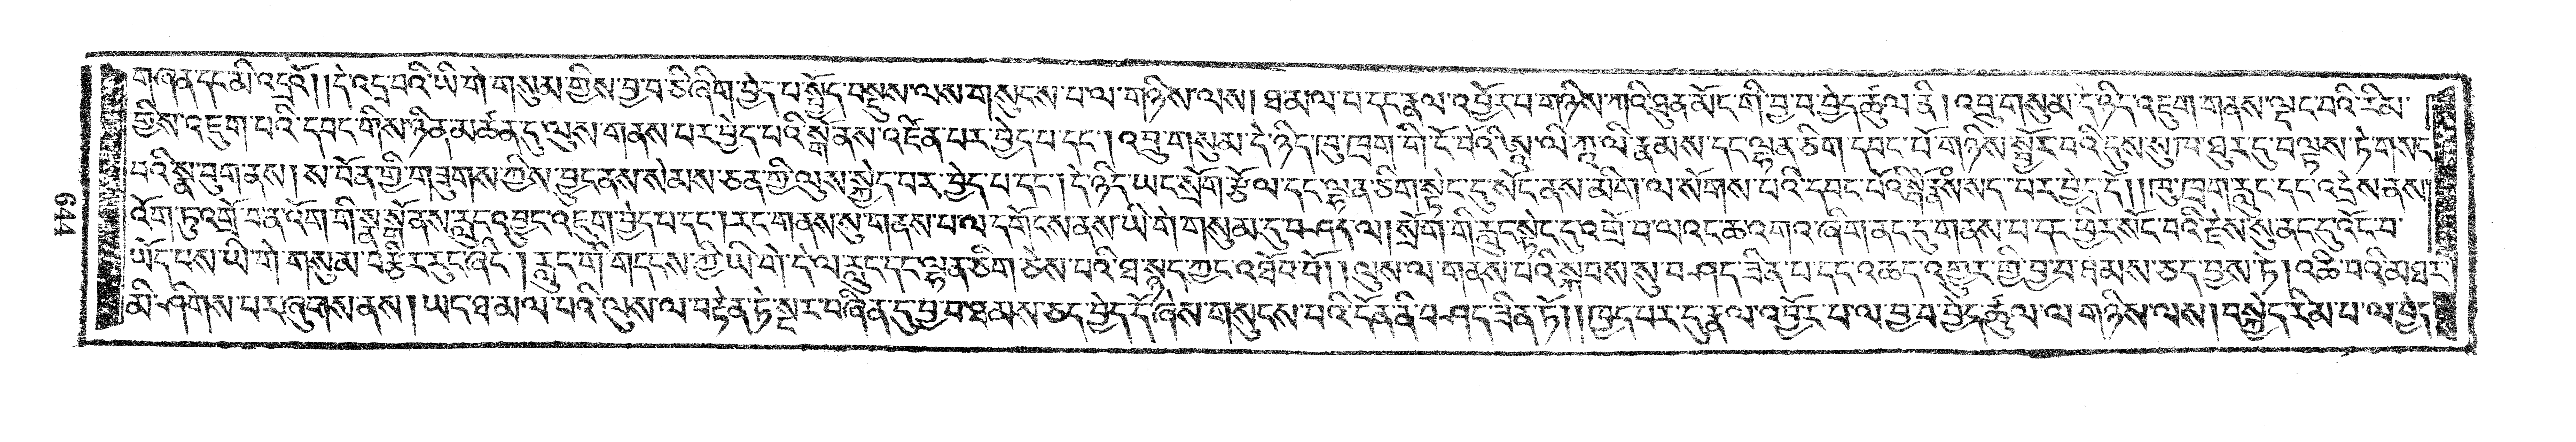གཞན་དང་མི་འདྲའོ། །དེ་འདྲ་བའི་ཡི་གེ་གསུམ་གྱིས་བྱ་བ་ཅི་ཞིག་བྱེད་པ་སྤྱོད་བསྡུས་ལས་གསུངས་པ་ལ་གཉིས་ལས། ཐ་མལ་པ་དང་རྣལ་འབྱོར་པ་གཉིས་ཀའི་ཐུན་མོང་གི་བྱ་བ་བྱེད་ཚུལ་ནི། འབྲུ་གསུམ་དེ་ཉིད་འཇུག་གནས་ལྡང་བའི་རིམ་
གྱིས་འཇུག་པའི་དབང་གིས་ཉིན་མཚན་དུ་ལུས་གནས་པར་བྱེད་པའི་སྒོ་ནས་འཛིན་པར་བྱེད་པ་དང་། འབྲུ་གསུམ་དེ་ཉིད་ཁུ་ཁྲག་གི་ངོ་བོའི་ཨཱ་ལི་ཀཱ་ལི་རྣམས་དང་ལྷན་ཅིག་དབང་པོ་གཉིས་སྦྱོར་བའི་དུས་སུ་ཁ་ཐུར་དུ་བལྟས་ཏེ་གསང་
བའི་སྣ་བུག་ནས། ས་བོན་གྱི་གཟུགས་ཀྱིས་བྱུང་ནས་སེམས་ཅན་གྱི་ལུས་སྐྱེད་པར་བྱེད་པ་དང་། དེ་ཉིད་ཡང་སྲོག་རྩོལ་དང་ལྷན་ཅིག་སྟེང་དུ་སོང་ནས་མིག་ལ་སོགས་པའི་དབང་པོའི་སྒོ་རྣམས་སད་པར་བྱེད་དོ། །ཁུ་ཁྲག་རླུང་དང་འདྲེས་ནས་
འོག་ཏུ་འགྲོ་བ་ན་འོག་གི་སྣ་སྒོ་ནས་རླུང་འབྱུང་འཇུག་བྱེད་པ་དང་། རང་གནས་སུ་གནས་པ་ལ་དགོངས་ནས་ཡི་གེ་གསུམ་དུ་བཤད་ལ། སྲོག་གི་རླུང་སྟེང་དུ་འགྲོ་བ་ལའང་ཆ་འགའ་ཞིག་ནང་དུ་གནས་པ་དང་ཕྱིར་སོང་བའི་རྗེས་སུ་ནང་དུ་འོང་བ་
ཡོད་པས་ཡི་གེ་གསུམ་བརྩིར་རུང་ཞིང་། རླུང་གི་གདངས་ཀྱི་ཡི་གེ་དེ་ལ་རླུང་དང་ལྷན་ཅིག་ཅེས་པའི་ཐ་སྙད་ཀྱང་འཐོབ་བོ། །ལུས་ལ་གནས་པའི་སྐབས་སུ་བཤད་ཟིན་པ་དང་འཆད་འགྱུར་གྱི་བྱ་བ་ཐམས་ཅད་བྱས་ཏེ། འཆི་བའི་མཐར་
མི་ཤིགས་པར་ཞུགས་ནས། ཡང་ཐ་མལ་པའི་ལུས་ལ་བརྟེན་ཏེ་སྔར་བཞིན་དུ་བྱ་བ་ཐམས་ཅད་བྱེད་དོ་ཞེས་གསུངས་པའི་དོན་ནི་བཤད་ཟིན་ཏོ། །ཁྱད་པར་དུ་རྣལ་འབྱོར་པ་ལ་བྱ་བ་བྱེད་ཚུལ་ལ་གཉིས་ལས། བསྐྱེད་རིམ་པ་ལ་བྱེད་